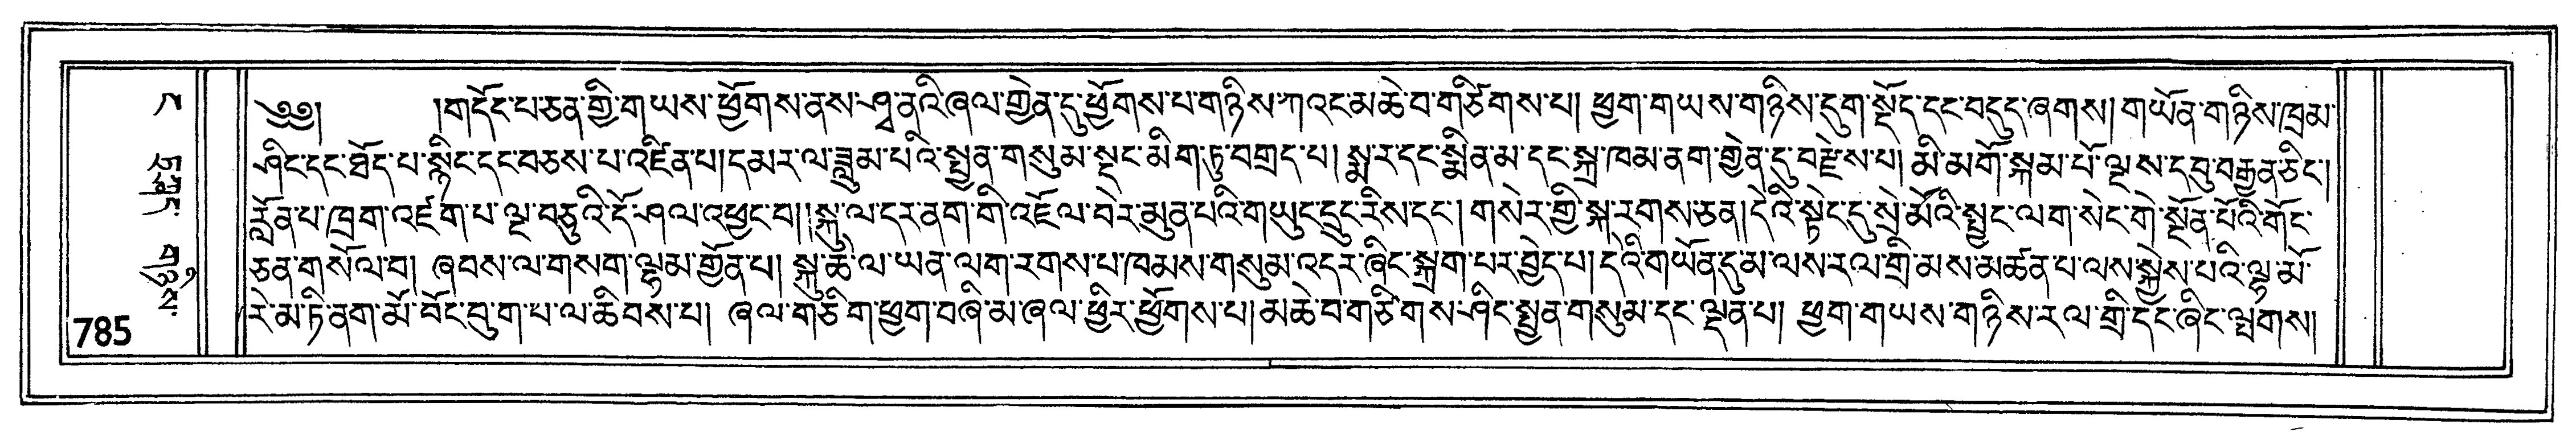༄༅། །གདོང་པ་ཅན་གྱི་གཡས་ཕྱོགས་ནས་ཤྭ་ནའི་ཞལ་གྱེན་དུ་ཕྱོགས་པ་གཉིས་ཀའང་མཆེ་བ་གཙིགས་པ། ཕྱག་གཡས་གཉིས་དུག་སྡོད་དང་བདུད་ཞགས། གཡོན་གཉིས་ཁྲམ་
ཤིང་དང་ཐོད་པ་སྙིང་དང་བཅས་པ་འཛིན་པ། དམར་ལ་ཟླུམ་པའི་སྤྱན་གསུམ་སྡང་མིག་ཏུ་བགྲད་པ། སྨ་ར་དང་སྨིན་མ་དང་སྐྲ་ཁམ་ནག་གྱེན་དུ་བརྫེས་པ། མི་མགོ་སྐམ་པོ་ལྔས་དབུ་བརྒྱན་ཅིང་།
རློན་པ་ཁྲག་འཛག་པ་ལྔ་བཅུའི་དོ་ཤལ་འཕྱང་བ། །སྐུ་ལ་དར་ནག་གི་འཇོལ་བེར་མུན་པའི་གཡུང་དྲུང་རིས་དང་། གསེར་གྱི་སྐ་རགས་ཅན། དེའི་སྟེང་དུ་སྲེ་མོའི་སྤྱང་ལག་སེང་གེ་སྔོན་པོའི་གོང་
ཅན་གསོལ་བ། ཞབས་ལ་གསག་ལྷམ་གྱོན་པ། སྐུ་ཆེ་ལ་ཡན་ལག་རགས་པ་ཁམས་གསུམ་འདར་ཞིང་སྐྲག་པར་བྱེད་པ། དེའི་གཡོན་དུ་མ་ལས་རལ་གྲི་མས་མཚན་པ་ལས་སྐྱེས་པའི་ལྷ་མོ་
རེ་མ་ཏི་ནག་མོ་བོང་བུ་ག་པ་ལ་ཆིབས་པ། ཞལ་གཅིག་ཕྱག་བཞི་མ་ཞལ་ཕྱིར་ཕྱོགས་པ། མཆེ་བ་གཙིགས་ཤིང་སྤྱན་གསུམ་དང་ལྡན་པ། ཕྱག་གཡས་གཉིས་རལ་གྲི་དང་ཞིང་ལྤགས།